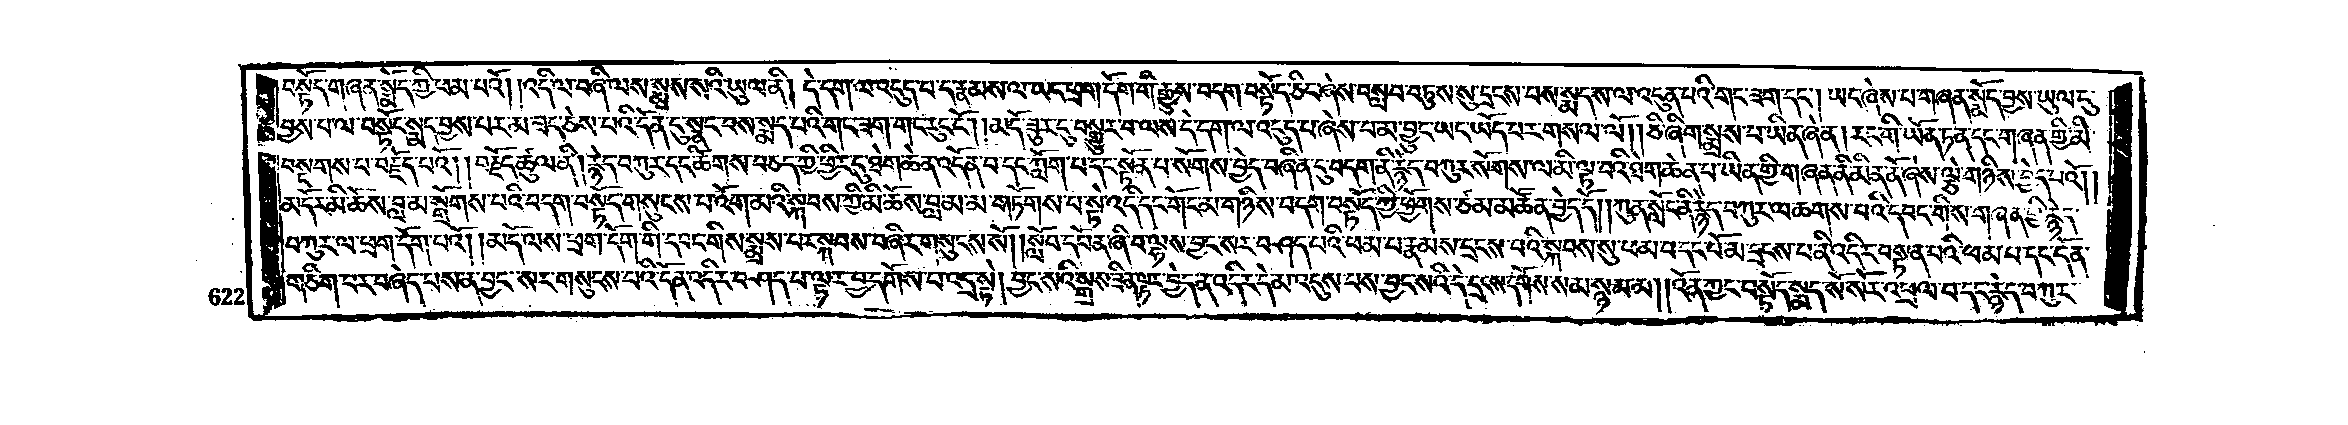བསྟོད་གཞན་སྨོད་ཀྱི་ཕམ་པའོ། །འདི་ལ་བཞི་ལས་སྨྲས་སའི་ཡུལ་ནི། དེ་དག་ལ་འདུད་པ་ད་རྣམས་ལ་ཡང་ཕྲག་དོག་གི་རྒྱུས་བདག་བསྟོད་ཅིང་ཞེས་བསླབ་བཏུས་སུ་དྲངས་པས་སྨད་ས་ལ་འདུན་པའི་གང་ཟག་དང་། ཡང་ཞེས་པ་གཞན་སྨོད་བྱས་ཡུལ་དུ་
བྱས་པ་ལ་བསྟོད་སྨད་བྱས་པར་མ་ཟད་ཅེས་པའི་དོན་དུ་སྣང་བས་སྨད་པའི་གང་ཟག་གང་རུང་ངོ། །མདོ་ཟུར་དུ་བསྒྱུར་བ་ལས་དེ་དག་ལ་འདུན་པ་ཞེས་པ་མ་བྱུང་ཡང་ཡོད་པར་གསལ་ལོ། །ཅི་ཞིག་སྨྲས་པ་ཡིན་ཞེ་ན། རང་གི་ཡོན་ཏན་དང་གཞན་གྱི་མི་
བསྔགས་པ་བརྗོད་པའོ། །བརྗོད་ཚུལ་ནི། རྙེད་བཀུར་དང་ཚིགས་བཅད་ཀྱི་ཕྱིར་དུ་ཐེག་ཆེན་འདོན་པ་དང་ཀློག་པ་དང་སྟོན་པ་སོགས་བྱེད་བཞིན་དུ་བདག་ནི་རྙེད་བཀུར་སོགས་ལ་མི་ལྟ་བའི་ཐེག་ཆེན་པ་ཡིན་གྱི་གཞན་ནི་མིན་ནོ་ཞེས་ལྕེ་གཉིས་བྱེད་པའོ།།
མདོར་མི་ཆོས་བླ་མ་སྒྲོགས་པའི་བདག་བསྟོད་གསུངས་པ་འོག་མའི་སྐབས་ཀྱི་མི་ཆོས་བླ་མ་མ་གཏོགས་པ་སྟེ་འདི་དང་གོང་མ་གཉིས་བདག་བསྟོད་ཀྱི་ཕྱོགས་ཙམ་མཚོན་བྱེད་དོ། །ཀུན་སློང་ནི་རྙེད་བཀུར་ལ་ཆགས་པའི་དབང་གིས་གཞན་གྱི་རྙེད་
བཀུར་ལ་ཕྲག་དོག་པའོ། །མདོ་ལས་ཕྲག་དོག་གི་དབང་གིས་སྨྲས་པར་སྐབས་བཞིར་གསུངས་སོ། །སློབ་དཔོན་ཞི་བ་ལྷས་བྱང་སར་བཤད་པའི་ཕམ་པ་རྣམས་དྲངས་པའི་སྐབས་སུ་ཕམ་པ་དང་པོ་མ་དྲངས་པ་ནི་འདིར་བསྟན་པའི་ཕམ་པ་དང་དོན་
གཅིག་པར་བཞེད་པས་ན་བྱང་སར་གསུངས་པའི་དོན་འདིར་བཤད་པ་ལྟར་བྱ་དགོས་པ་འདྲ་སྟེ། བྱང་སའི་སྒྲས་ཟིན་ལྟར་བྱེད་ན་འདིར་དེ་མ་འདུས་པས་བྱང་སའི་དེ་དྲངས་དགོས་སམ་སྙམ་མ། །འོན་ཀྱང་བསྟོད་སྨད་སོ་སོར་འཕྲལ་བ་དང་རྙེད་བཀུར་